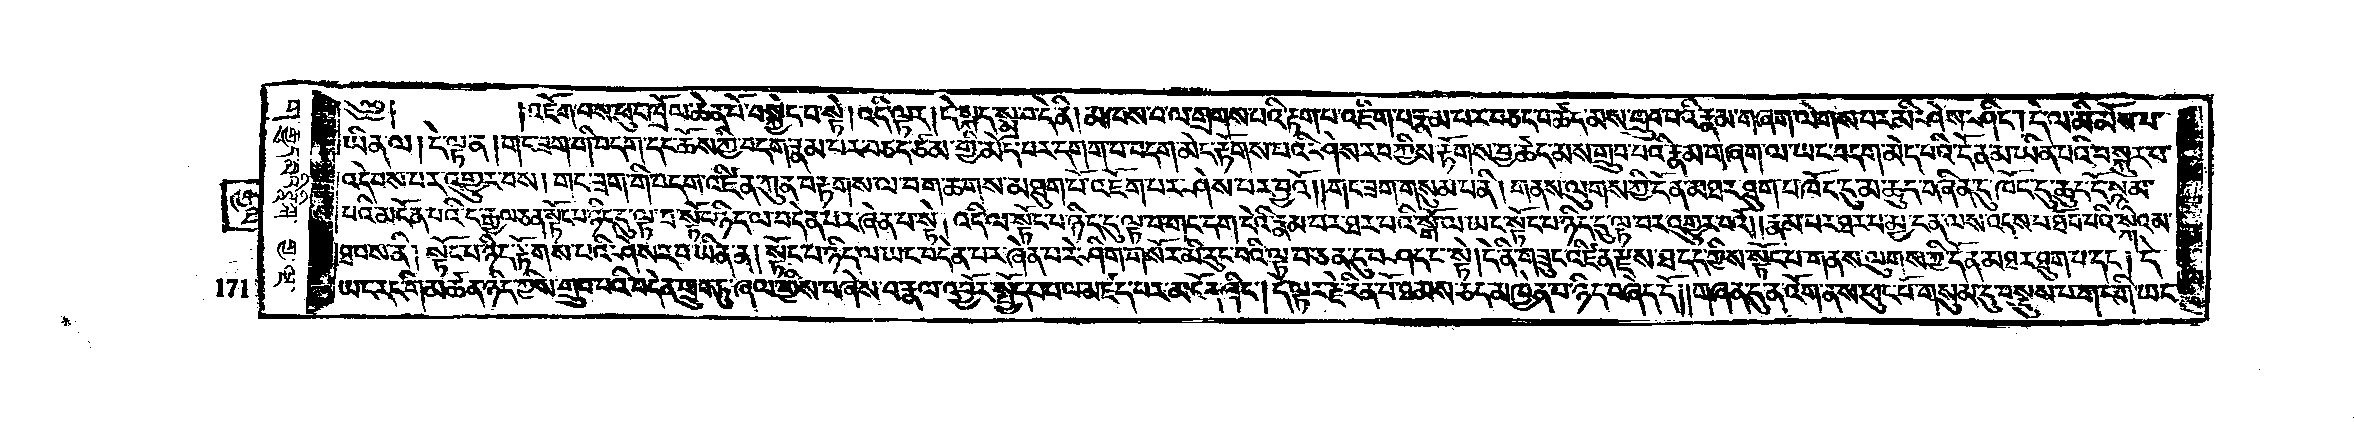༄༅། །འཇོག་པས་ཕུང་ཁྲོལ་ཆེན་པོ་བསྐྱེད་པ་སྟེ། འདི་ལྟར། དེ་སྐད་སྨྲ་བ་དེ་ནི། མཁས་པ་ལ་གྲགས་པའི་རྟག་པ་འཇིག་པ་རྣམ་པར་བཅད་པ་ཚད་མས་གྲུབ་པའི་རྣམ་གཞག་ལེགས་པར་མི་ཤེས་ཤིང་། དེ་ལ་མི་མོས་པ་
ཡིན་ལ། དེ་ལྟ་ན། གང་ཟག་གི་བདག་དང་ཆོས་ཀྱི་བདག་རྣམ་པར་བཅད་ཙམ་གྱི་མོད་པར་དགག་པ་བདག་མེད་རྟོགས་པའི་ཤེས་རབ་ཀྱིས་རྟོགས་བྱ་ཚད་མས་གྲུབ་པའི་རྣམ་གཞག་ལ་ཡང་བདག་མེད་པའི་དོན་མ་ཡིན་པའི་བསྐུར་བ་
འདེབས་པར་འགྱུར་བས། གང་ཟག་གི་བདག་འཛིན་ཀུན་བརྟགས་ལ་བག་ཆགས་མཐུག་པོ་འཇོག་པར་ཤེས་པར་བྱའོ། །གང་ཟག་གསུམ་པ་ནི། གནས་ལུགས་ཀྱི་དོན་མཐར་ཐུག་པ་ཁོང་དུ་མ་ཆུད་བཞིན་དུ་ཁོང་དུ་ཆུད་དོ་སྙམ་
པའི་མངོན་པའི་ང་རྒྱལ་ཅན་སྟོང་པ་ཉིད་དུ་ལྟ་བ་སྟོང་ཉིད་ལ་བདེན་པར་ཞེན་པ་སྟེ། འདི་ལ་སྟོང་པ་ཉིད་དུ་ལྟ་བ་གང་དག་དེའི་རྣམ་པར་ཐར་པའི་སྒོ་ལ་ཡང་སྟོང་པ་ཉིད་དུ་ལྟ་བར་འགྱུར་བའོ། །རྣམ་པར་ཐར་པ་མྱ་ངན་ལས་འདས་པ་ཐོབ་པའི་སྐེའམ་
ཐབས་ནི། སྟོང་པ་ཉིད་རྟོགས་པའི་ཤེས་རབ་ཡིན་ན། སྟོང་པ་ཉིད་ལ་ཡང་བདེན་པར་ཞེན་པ་རེ་ཤིག་གསོར་མི་རུང་བའི་ལྟ་བ་ཅན་དུ་བཤད་པ་སྟེ། དེ་ནི་གཟུང་འཛིན་རྫས་ཐ་དད་ཀྱིས་སྟོང་པ་གནས་ལུགས་ཀྱི་དོན་མཐར་ཐུག་པ་དང་། དེ་
ཡང་རང་གི་མཚན་ཉིད་ཀྱིས་གྲུབ་པའི་བདེན་གྲུབ་ཏུ་ཞལ་གྱིས་བཞེས་པ་རྣལ་འབྱོར་སྤྱོད་པ་བ་ལ་མཛད་པར་མངོན་ཞིང་། དེ་ལྟར་རྗེ་རིན་པོ་ཐམས་ཅད་མཁྱེན་པ་ཉིད་བཞེད་དོ། །གཞན་དུ་ན་འོག་ནས་ཕུང་པོ་གསུམ་དུ་བསྡུས་པ་གང་གི་ཡང་